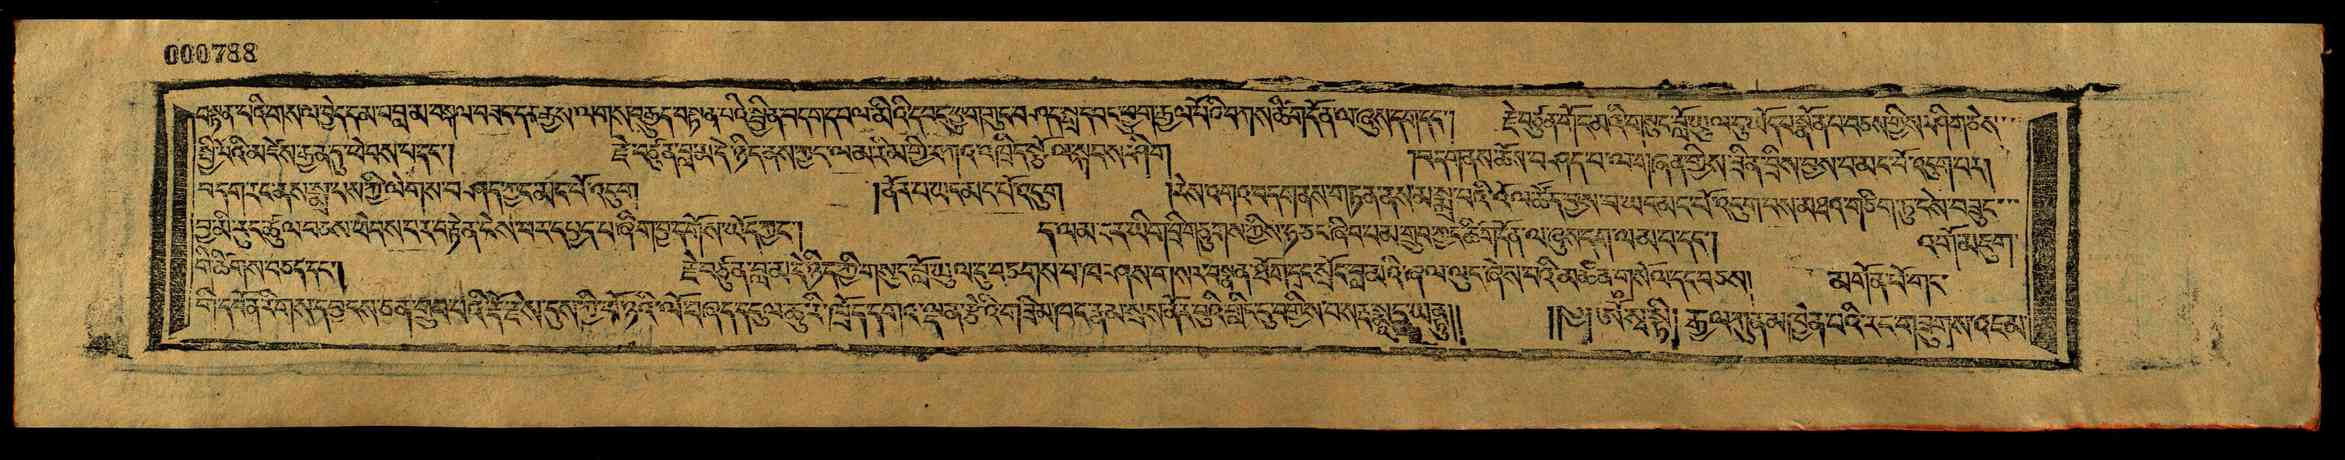བསྟན་པའི་གསལ་བྱེད་དམ་པ་བླ་མ་བསྐལ་བཟང་དར་རྒྱས་ལགས་བརྒྱུད་བསྟན་པའི་སྦྱིན་བདག་དཔལ་མིའི་དབང་ཕྱུག་གུང་བཤད་སྒྲ་དབང་ཕྱུག་རྒྱལ་པོའི་བཀས་ཚིག་དོན་ལ་ཞུས་དག་དང་། རྗེ་བཙུན་གོང་མའི་གསུང་བློ་ཡུལ་དུ་ཡོད་པ་སྣོན་པ་བཅས་གྱིས་ཤིག་ཅེས་
སྤྱི་བོའི་མཛེས་རྒྱན་དུ་ཕེབས་པ་དང་། རྗེ་བཙུན་བླ་མ་དེ་ཉིད་ནས་ཀྱང་ལམ་རིམ་གྱི་བཀའ་འཁྲིད་སྩོལ་སྐབས་ཤིག །བདག་ནས་ཆོས་བཤད་པ་ལ་གཞན་གྱིས་ཟིན་བྲིས་བྱས་པ་མང་པོ་འདུག་པར།
བདག་རང་ནས་སྨྲ་ངེས་ཀྱི་ལེགས་བཤད་ཀྱང་མང་པོ་འདུག །ནོར་པ་ཡང་མང་པོ་འདུག །རེས་འགའ་བདག་ནས་གཏན་ནས་མ་སྨྲ་བའི་འོལ་ཚོད་བྱས་པ་ཡང་མང་པོ་འདུག་པས་མཐའ་གཅིག་ཏུ་ངེས་བ་ཟུང་
བྱ་མི་རུང་ཚུལ་བཅས་ཕེབས་པར་བརྟེན་ངེས་པར་དཔྱད་པ་ཞིག་བྱ་དགོས་ཡོད་ཀྱང་། ད་ལམ་པར་ཡིག་བྲི་བཅུགས་ཀྱིས་ཧ་ཅང་ཞིབ་པ་མ་གྲུབ་ཀྱང་ཚིག་དོན་ལ་ཞུས་དག་ལམ་པ་དང་། འགོ་མཇུག་
གི་ཚིགས་བཅད་དང་། རྗེ་བཙུན་བླ་མ་དེ་ཉིད་ཀྱི་གསུང་བློ་ཡུལ་དུ་བཅགས་པ་ཁ་ཤས་གསར་བསྣན་ཐོག་དྲང་སྲོང་བླ་མའི་ཞལ་ལུང་ཞེས་པའི་མཚན་གསོལ་དང་བཅས། མགོན་པོ་གང་
གི་དབོན་རིགས་དབྱངས་ཅན་གྲུབ་པའི་རྡོ་རྗེས་དུས་ཀྱི་ཕོ་ཉའི་ལོ་བཞད་དངུལ་ཆུ་རི་ཁྲོད་དགའ་ལྡན་རྩེའི་གཟིམ་ཁང་རྣམ་སྲས་ནོར་བུའི་གླིང་དུ་བགྱིས་པ་སརྦ་སྨཱད་ཡནྟུ།། །། ༄༅། ཨོཾ་སྭ་སྟི། རྒྱལ་ཀུན་མཁྱེན་པའི་རང་གཟུགས་འཇམ་